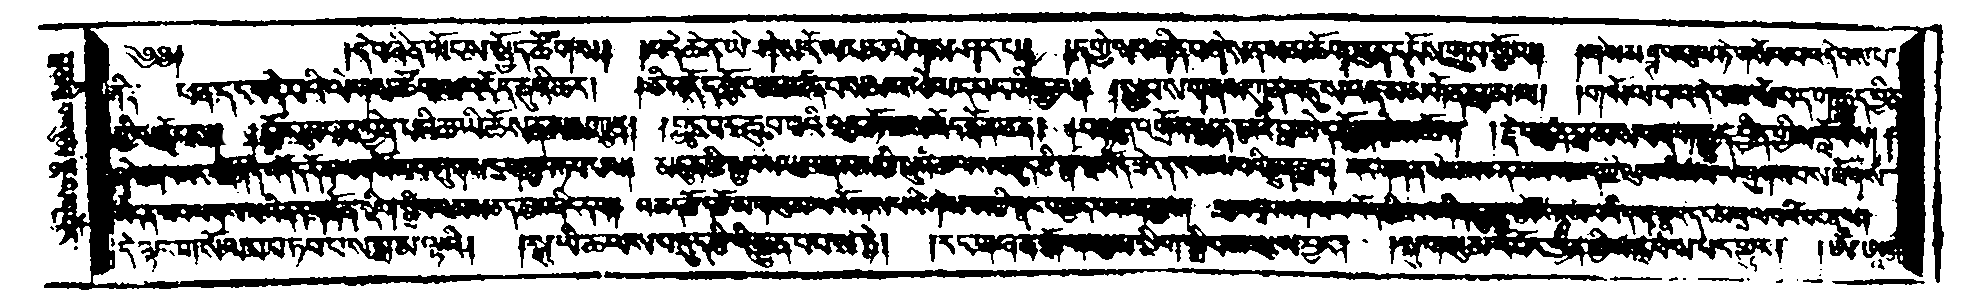༄༅། །དེ་བཞིན་ལོངས་སྤྱོད་ཚོགས། །བདེ་ཆེན་ཡེ་ཤེས་རོལ་པར་ལེགས་ཤར་པ། །དགྱེས་བཞིན་བཞེས་ནས་མཆོག་ཐུན་དངོས་གྲུབ་སྩོལ། །ཞེས་མཎྜལ་ཕུལ་ཏེ་གསོལ་བ་འདེབས་པ་
ནི། ཕན་དང་བདེ་བའི་ལེགས་ཚོགས་འདོད་རྒུའི་ཆར། །ཅི་འདོད་སྩོལ་མཛད་བསམ་འཕེལ་དབང་གི་རྒྱལ། །སྐྱབས་གནས་ཀུན་འདུས་འཇམ་མགོན་བླ་མ་ལ། །གསོལ་བ་འདེབས་སོ་བདག་རྒྱུད་བྱིན་
གྱིས་རློབས། །བློ྾་བཟང྾་མཁྱེན་པའི་ཆ་ཡི་ཆོས་རྣམས་ཀུན། །བྱང྾་བར་ཆུབ྾་པའི་ལུང་རྟོགས་འོད་རྣོན་ཅན། །བསྟན྾་འགྲོར་སྨན་པའི྾་བླ་མེད་སྒྲོན྾་མེ྾་མཆོག །རྗེ་བཙུན་བླ་མས་བདག་རྒྱུད་བྱིན་གྱིས་རློབས། །
ཞེས་གང་མང་བརྗོད་དེ་འདོད་དོན་ལ་གསོལ་བ་ཤུགས་དྲག་ཏུ་བཏབ་པས། མདུན་གྱི་སྐྱབས་ཡུལ་རྣམས་ཀྱི་སྐུའི་ཆ་ལས་བདུད་རྩི་སྣ་ལྔ་འོད་ཟེར་དང་བཅས་པའི་རྒྱུན་བྱུང་། རང་གཞན་སེམས་ཅན་ཐམས་ཅད་ཀྱི་ལུས་སེམས་ལ་ཞུགས་པས་ཐོགས་
མེད་ནས་བསགས་པའི་ནད་གདོན་སྡིག་སྒྲིབ་ཐབས་ཅད་བྱང་ཞིང་དག །འཆད་རྩོད་རྩོམ་གསུམ་ལ་སོགས་པའི་ཤེས་རབ་ཀྱི་སྣང་བ་ཁྱད་པར་ཅན་རྒྱས། ལུས་དྭངས་གསལ་འོད་ཀྱི་རང་བཞིན་དུ་གྱུར་སོང་སྙམ་པའི་དག་སྣང་དང་མ་བྲལ་བའི་ངང་ནས།
དེ་ལྟར་གསོལ་བ་བཏབ་པས་བླ་མ་ལྟའི། །སྐུ་ཡི་ཆ་ལས་བདུད་རྩིའི་རྒྱུན་བབས་ཏེ། །རང་གཞན་སྒོ་གསུམ་སྡིག་སྒྲིབ་མ་ལུས་བྱང་། །སྐུ་གསུམ་ངོ་བོར་བྱིན་གྱིས་རླབས་པར་གྱུར། །ཨོཾ་ཨཱཿ